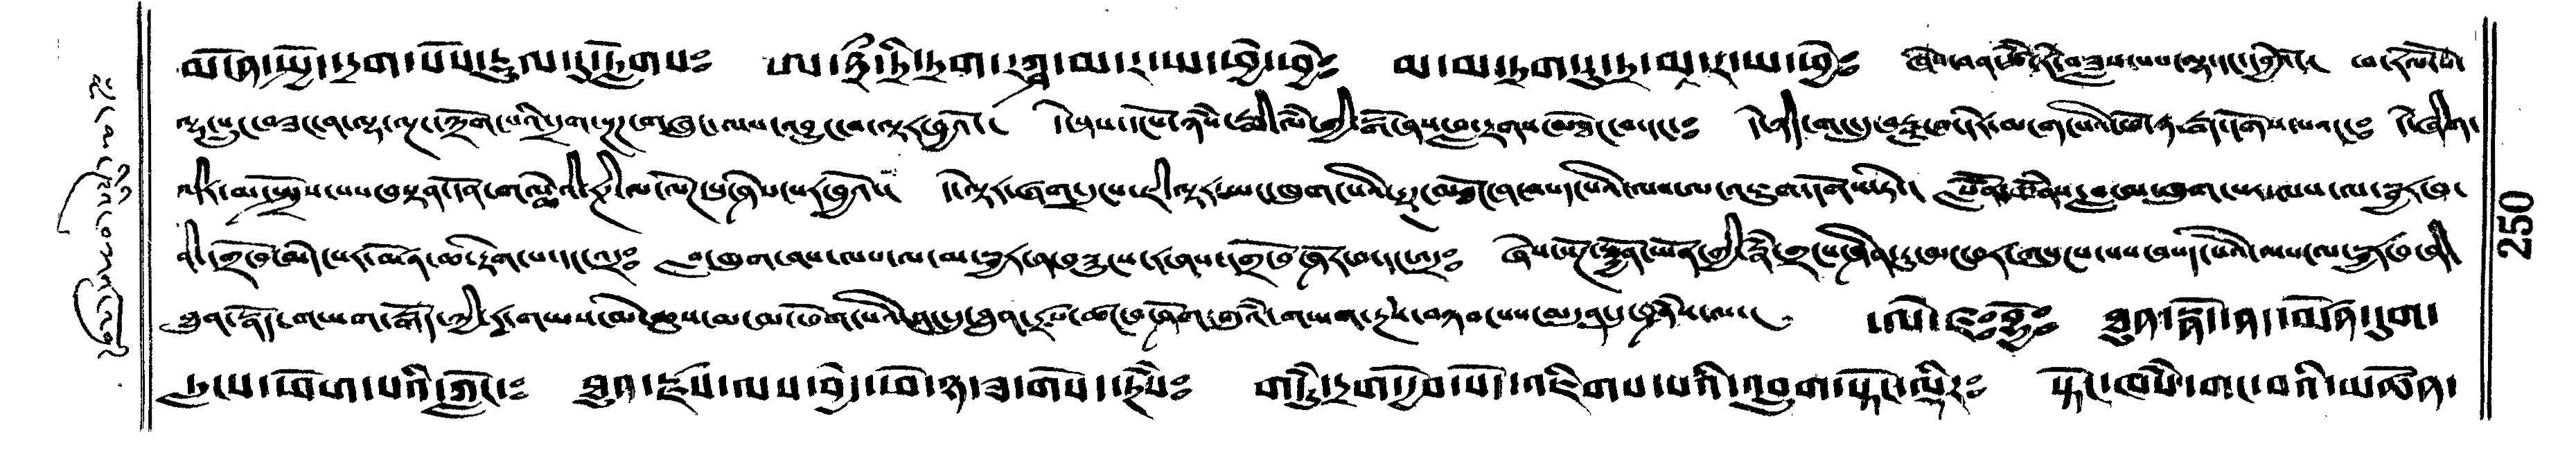མངོན་སྤྱཽད་དྲག་པོས་རྡུལ་དུ་རློགསཿ ཨ་ནྲྀ་ཏྲི་ཏྲག་རཀྵ་མ་ར་ཡ་ཕྱེ་ཕྱེཿ མ་མ་ཏྲག་རུ་ཏྲ་མཱ་ར་ཡ་ཕྱེཿ ཞེས་ནན་ཙམ་རེ་བཟླས་པས་ལྷ་དང་དབྱེའོ།། ཕ་རོལ་པོ་
ལྷ་སྲུང་བཟང་ན་ལྷ་ལྔ་དཀྲོག་པའི་དྲག་སྔགས་གཞུང་ལས་འབྱུང་བ་ལྟར་བྱའོ།། དེ་ནས་དངོས་ཉམས་རྨི་ལམ་གྱི་སྒོ་ནས་བླ་དྲགས་མཐོང་བ་དངཿ དེ་ཉིད་གང་དུ་བརྫུ་བ་དེར་མངག་པའི་ཕོ་ཉ་རྦད་དགོས་པའངཿ རེ་ཞིག་
འདིར་མ་སྤྲོས་པས་བསྟན་དོན་གལ་ཆེའི་རིགས་ལ་ལོགས་སུ་ཤེས་པར་བྱའོ།། དེ་ལྟར་ཞག་གྲངས་ཇི་ལྟར་ཡང་ཁུག་པའི་རྟགས་མཐོང་ན་བསད་པའི་ལས་ལ་འཇུག་དགོས་ཏེ། སློབ་དཔོན་ཆེན་པོས་ནས་བླ་མ་ཁུག་བར་ལས་ལ་སྦྱར་བ་
ནི་དགྲ་བོ་མེད་པར་མཚོན་ཆ་རྡེག་པ་དང་འདྲཿ བླ་ཁུགས་ནས་ལས་ལ་མ་སྦྱར་ན་སྐུ་རྭ་ནས་དགྲ་བོ་ཤོར་བ་དང་འདྲཿ ཞེས་སོགས་སྐྱོན་ཡོན་གྱི་རྣམ་གྲངས་ཤིན་ཏུ་མང་བར་གསུངས་པས་བསད་པའམ་ལས་ལ་སྦྱར་བ་ནི་
ཐུན་སྣོད་གཡག་རྒོད་ཀྱི་རྭ་གཡས་མེ་ཆུས་མ་ཕོག་པའི་ནང་དུ་ཐུན་རྫས་ཚང་བ་ཤོག་གུའམ་གཡག་རྔས་བཀབ་པས་མདུན་དུ་བཤམས་ལ། ཨེ་ཛཿབྷྱོཿ ཐུན་སྣོད་ནད་མཚོན་དུག་
རླངས་ཕོག་པའི་ཀློངཿ ཐུན་རྫས་ལས་བྱེད་ཕོ་ཉ་ཟ་གསོད་རྔམཿ གཏུམ་དྲག་རྒྱོབ་སོད་འཇིགས་པའི་འབྲུག་སྟོང་ལྡིརཿ སྟོང་ཁམས་གང་བའི་མཚོན་